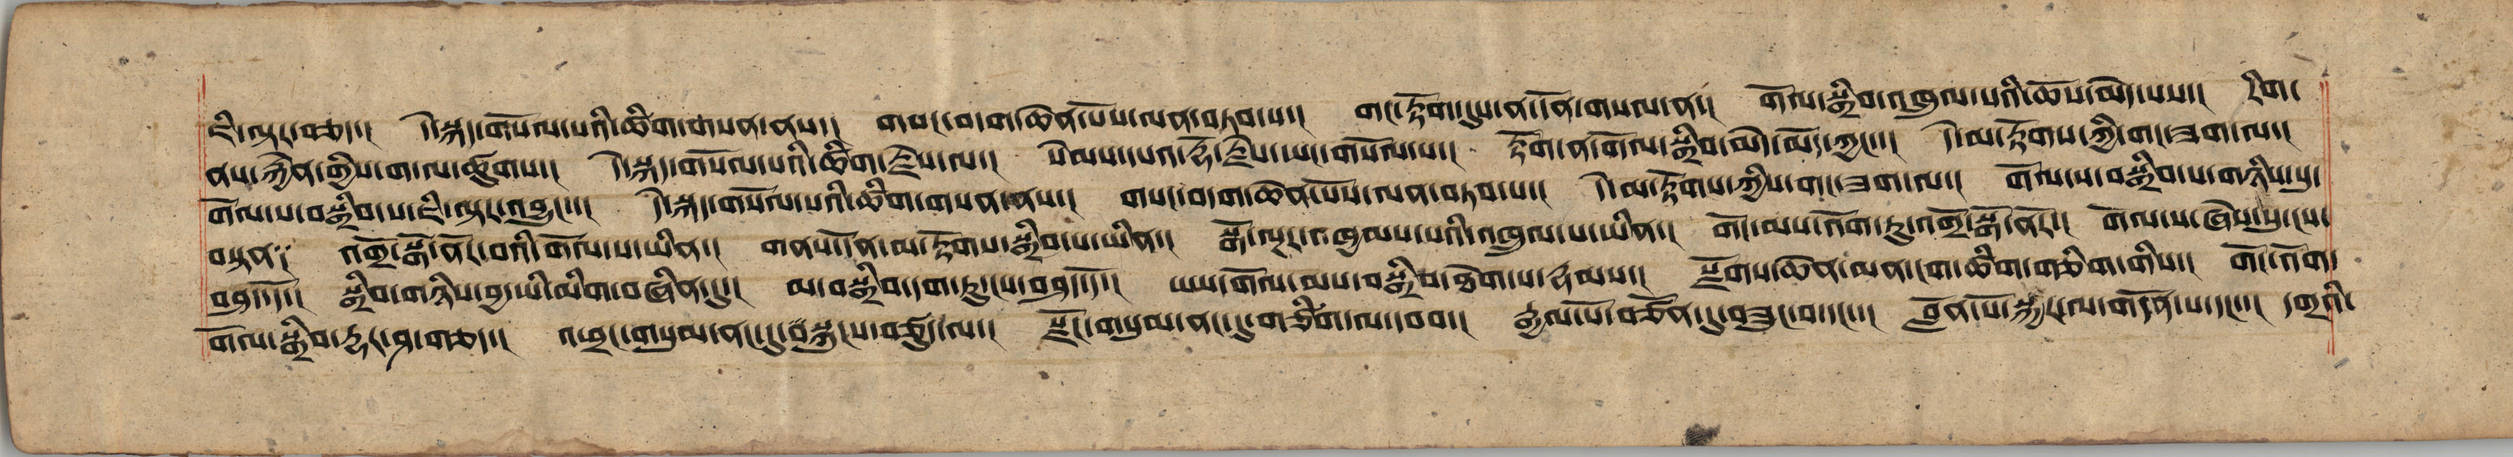ཇི་ལྟར་བཅད་། དེ་སྐད་གསོལ་པའི་ཚིག་གསན་ནས་། གསང་བདག་ཆེན་པོས་ལན་བཏབ་པ་། གང་རྟོག་དུས་ན་དོན་གསལ་ན་། གོལ་སྒྲིབ་འཁྲུལ་པའི་ཆོས་མེད་པས་། རིག་
ནས་རྐྱེན་གྱིས་ག་ལ་ཚུགས་། དེ་སྐད་གསོལ་པའི་ཚིག་རྗེས་ལ་། སེམས་དཔའ་རྡོ་རྗེས་ཡང་གསོལ་པ་། རྟོག་ན་གོལ་སྒྲིབ་མེད་མོད་ཀྱང་་། དེ་མ་རྟོགས་ཀྱི་གང་ཟག་ལ་།
གོལ་ས་བསྒྲིབ་པ་ཇི་ལྟར་འབྱུང་་། དེ་སྐད་གསོལ་པའི་ཚིག་གསན་ནས་། གསང་བདག་ཆེན་པོས་ལན་བཏབ་པ་། དེ་མ་རྟོགས་ཀྱིས་གང་ཟག་ལ་། གོལ་ས་བསྒྲིབ་པ་གཉིས་སུ་
བསྟན༑ འགྲོ་སྒོ་ནོར་བའི་གོལ་ས་ཡིན་། གནས་དོན་མ་རྟོགས་སྒྲིབ་པ་ཡིན་། སྒོ་ལྔར་འཁྱམས་པའི་འཁྲུལ་པ་ཡིན་། གོང་མས་འོག་ཏུ་འགྲོ་སྒོ་ནོར་། གོལ་ས་ཞེས་སུ་ངས་
བཤད་དོ་། སྒྲིབ་གཉིས་བྱ་ཡི་མིག་བཞིན་དུ་། མ་བསྒྲིབ་དག་ཏུ་ངས་བཤད་དོ་། ཡས་གོལ་མས་བསྒྲིབ་ཐེག་པ་རྣམས་། སྫོགས་ཆེན་མན་ངག་ཚིག་གཅིག་གིས་། གོང་འོག་
གོལ་སྒྲིབ་རྡར་ཤ་གཅད་། འཕྲང་གསུམ་ནང་དུ་བསྐུངས་བཙུད་ལ་། སྫོང་གསུམ་ནང་དུ་གཅིག་ལ་དབབ་། རྒྱལ་པོ་བཙོན་དུ་བཟུང་བ་དང་་། བློན་པོ་སྐྱར་ལ་གདོན་པ་དང་་། དགྲའི་